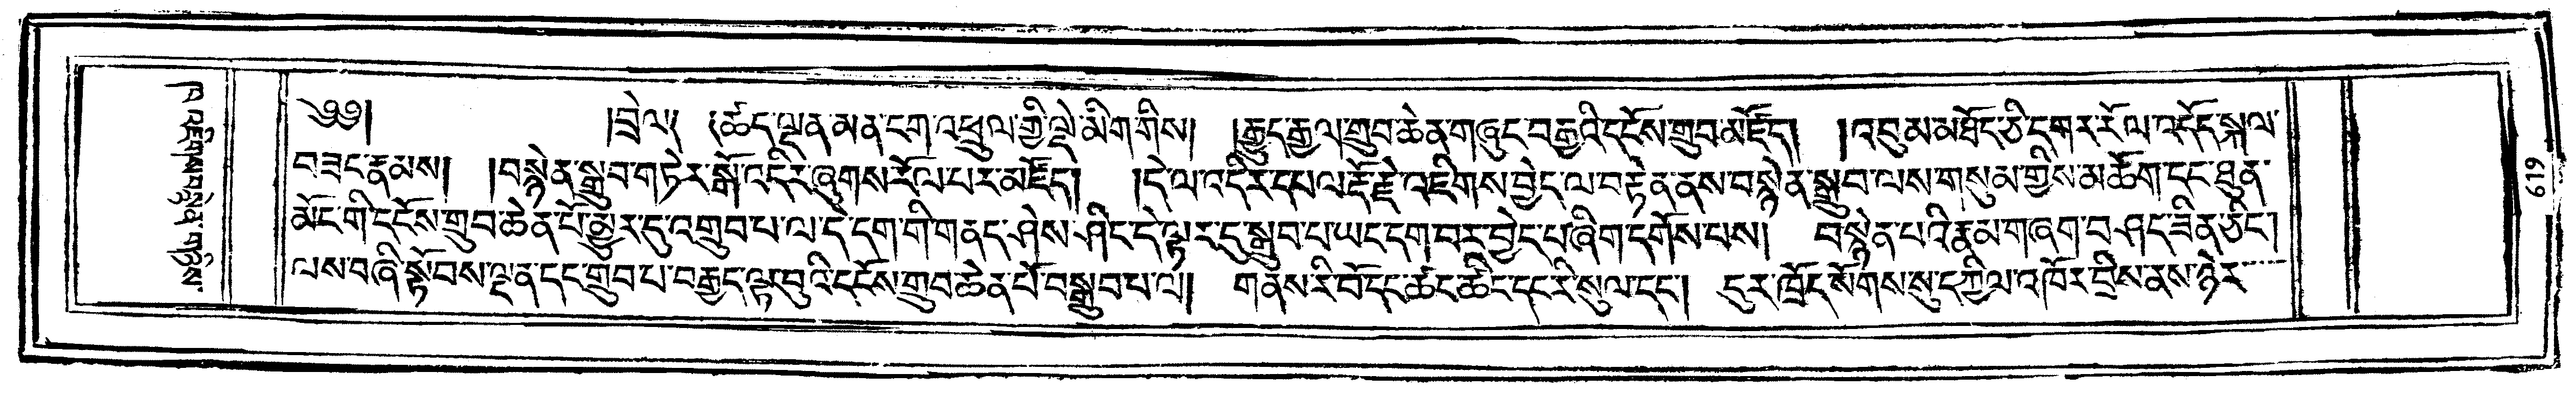༄༅། །བྲེལ༑ ༑ཚད་ལྡན་མན་ངག་འཕྲུལ་གྱི་ལྡེ་མིག་གིས། །རྒྱུད་རྒྱལ་གྲུབ་ཆེན་གཞུང་བརྒྱའི་དངོས་གྲུབ་མཛོད། །འབུམ་མཐོང་ཅི་དགར་རོལ་འདོད་སྐལ་
བཟང་རྣམས། །བསྙེན་སྒྲུབ་གཏེར་སྒོ་འདིར་ཞུགས་རོལ་པར་མཛོད། །དེ་ལ་འདིར་དཔལ་རྡོ་རྗེ་འཇིགས་བྱེད་ལ་བརྟེན་ནས་བསྙེན་སྒྲུབ་ལས་གསུམ་གྱིས་མཆོག་དང་ཐུན་
མོང་གི་དངོས་གྲུབ་ཆེན་པོ་མྱུར་དུ་འགྲུབ་པ་ལ་དེ་དག་གི་གནད་ཤེས་ཤིང་དེ་ལྟར་དུ་སྒྲུབ་པ་ཡང་དག་པར་བྱེད་པ་ཞིག་དགོས་པས། བསྙེན་པའི་རྣམ་གཞག་བཤད་ཟིན་ཅིང་།
ལས་བཞི་སྟོབས་ལྡན་དང་གྲུབ་པ་བརྒྱད་ལྟ་བུའི་དངོས་གྲུབ་ཆེན་པོ་བསྒྲུབ་པ་ལ། གནས་རི་བོ་དང་ཚང་ཚིང་དང་རི་སུལ་དང་། དུར་ཁྲོད་སོགས་སུ་དཀྱིལ་འཁོར་བྲིས་ནས་ཉེར་